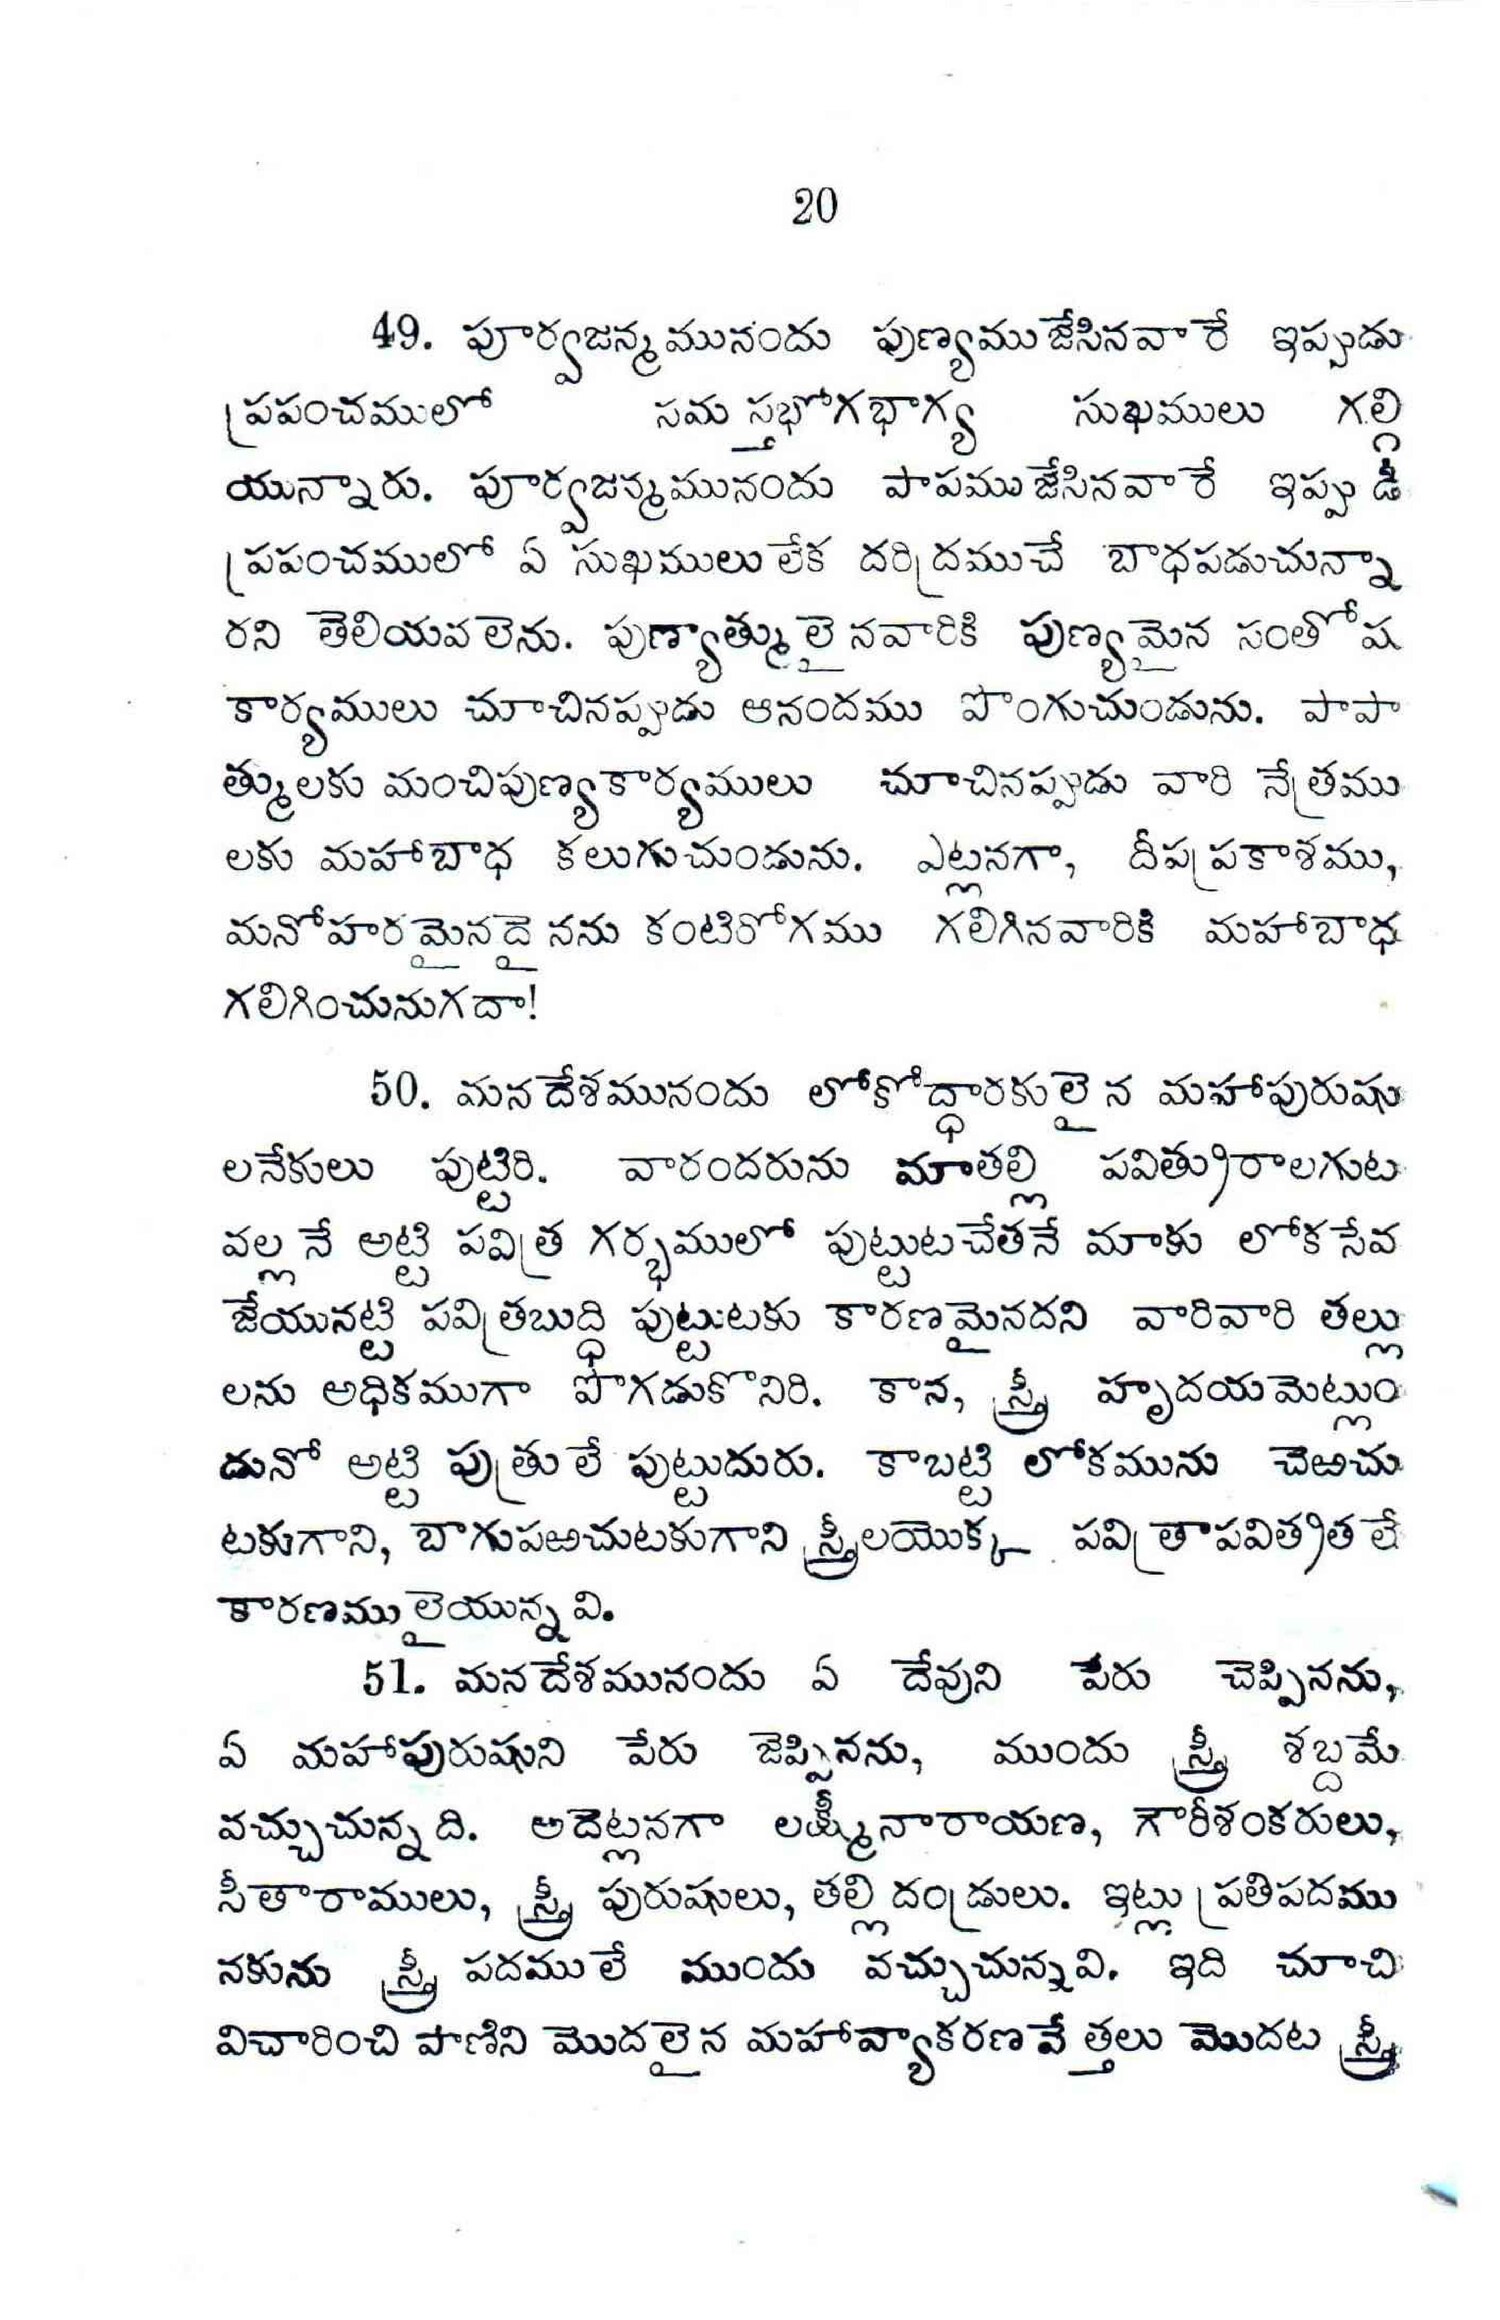49. పూర్వజన్మమునందు పుణ్యము జేసినవారే ఇప్పుడు ప్రపంచములో సమస్తభోగభాగ్య సుఖములు యున్నారు. పూర్వజన్మమునందు పాపముజేసినవారే ఇప్పు డీ ప్రపంచములో ఏ సుఖములు లేక దరిద్రముచే బాధపడుచున్నా రని తెలియవలెను. పుణ్యాత్ములైనవారికి పుణ్యమైన సంతోష కార్యములు చూచినప్పుడు ఆనందము పొంగుచుండును. పాపాత్ములకు మంచిపుణ్యకార్యములు చూచినప్పుడు వారి నేత్రములకు మహాబాధ కలుగుచుండును. ఎట్లనగా, దీపప్రకాశము, మనోహరమైనదైనను కంటిరోగము గలిగినవారికి మహాబాధ గలిగించునుగదా!

50. మనదేశమునందు లోకోద్ధారకులైన మహాపురుషు లనేకులు పుట్టిరి. వారందరును మాతల్లి పవిత్రురాలగుట వల్లనే అట్టి పవిత్ర గర్భములో పుట్టుట చేతనే మాకు లోకసేవ జేయునట్టి పవిత్రబుద్ధి పుట్టుటకు కారణమైనదని వారివారి తల్లులను అధికముగా పొగడుకొనిరి. కాన, స్త్రీ హృదయ మెట్లుండునో అట్టి పుత్రులే పుట్టుదురు. కాబట్టి లోకమును చెఱచుటకుగాని, బాగుపఱచుటకుగాని స్త్రీలయొక్క పవిత్రాపవిత్రతలే కారణములైయున్నవి.

51. మనదేశమునందు ఏ దేవుని పేరు చెప్పినను, ఏ మహాపురుషుని పేరు జెప్పినను, ముందు స్త్రీ శబ్దమే వచ్చుచున్నది. అదెట్లనగా లక్ష్మీనారాయణ, గౌరీశంకరులు, సీతారాములు, స్త్రీ పురుషులు, తల్లిదండ్రులు. ఇట్లు ప్రతిపదము నకును స్త్రీ పదములే ముందు వచ్చుచున్నవి. ఇది చూచి విచారించి పాణిని మొదలైన మహావ్యాకరణవేత్తలు మొదట